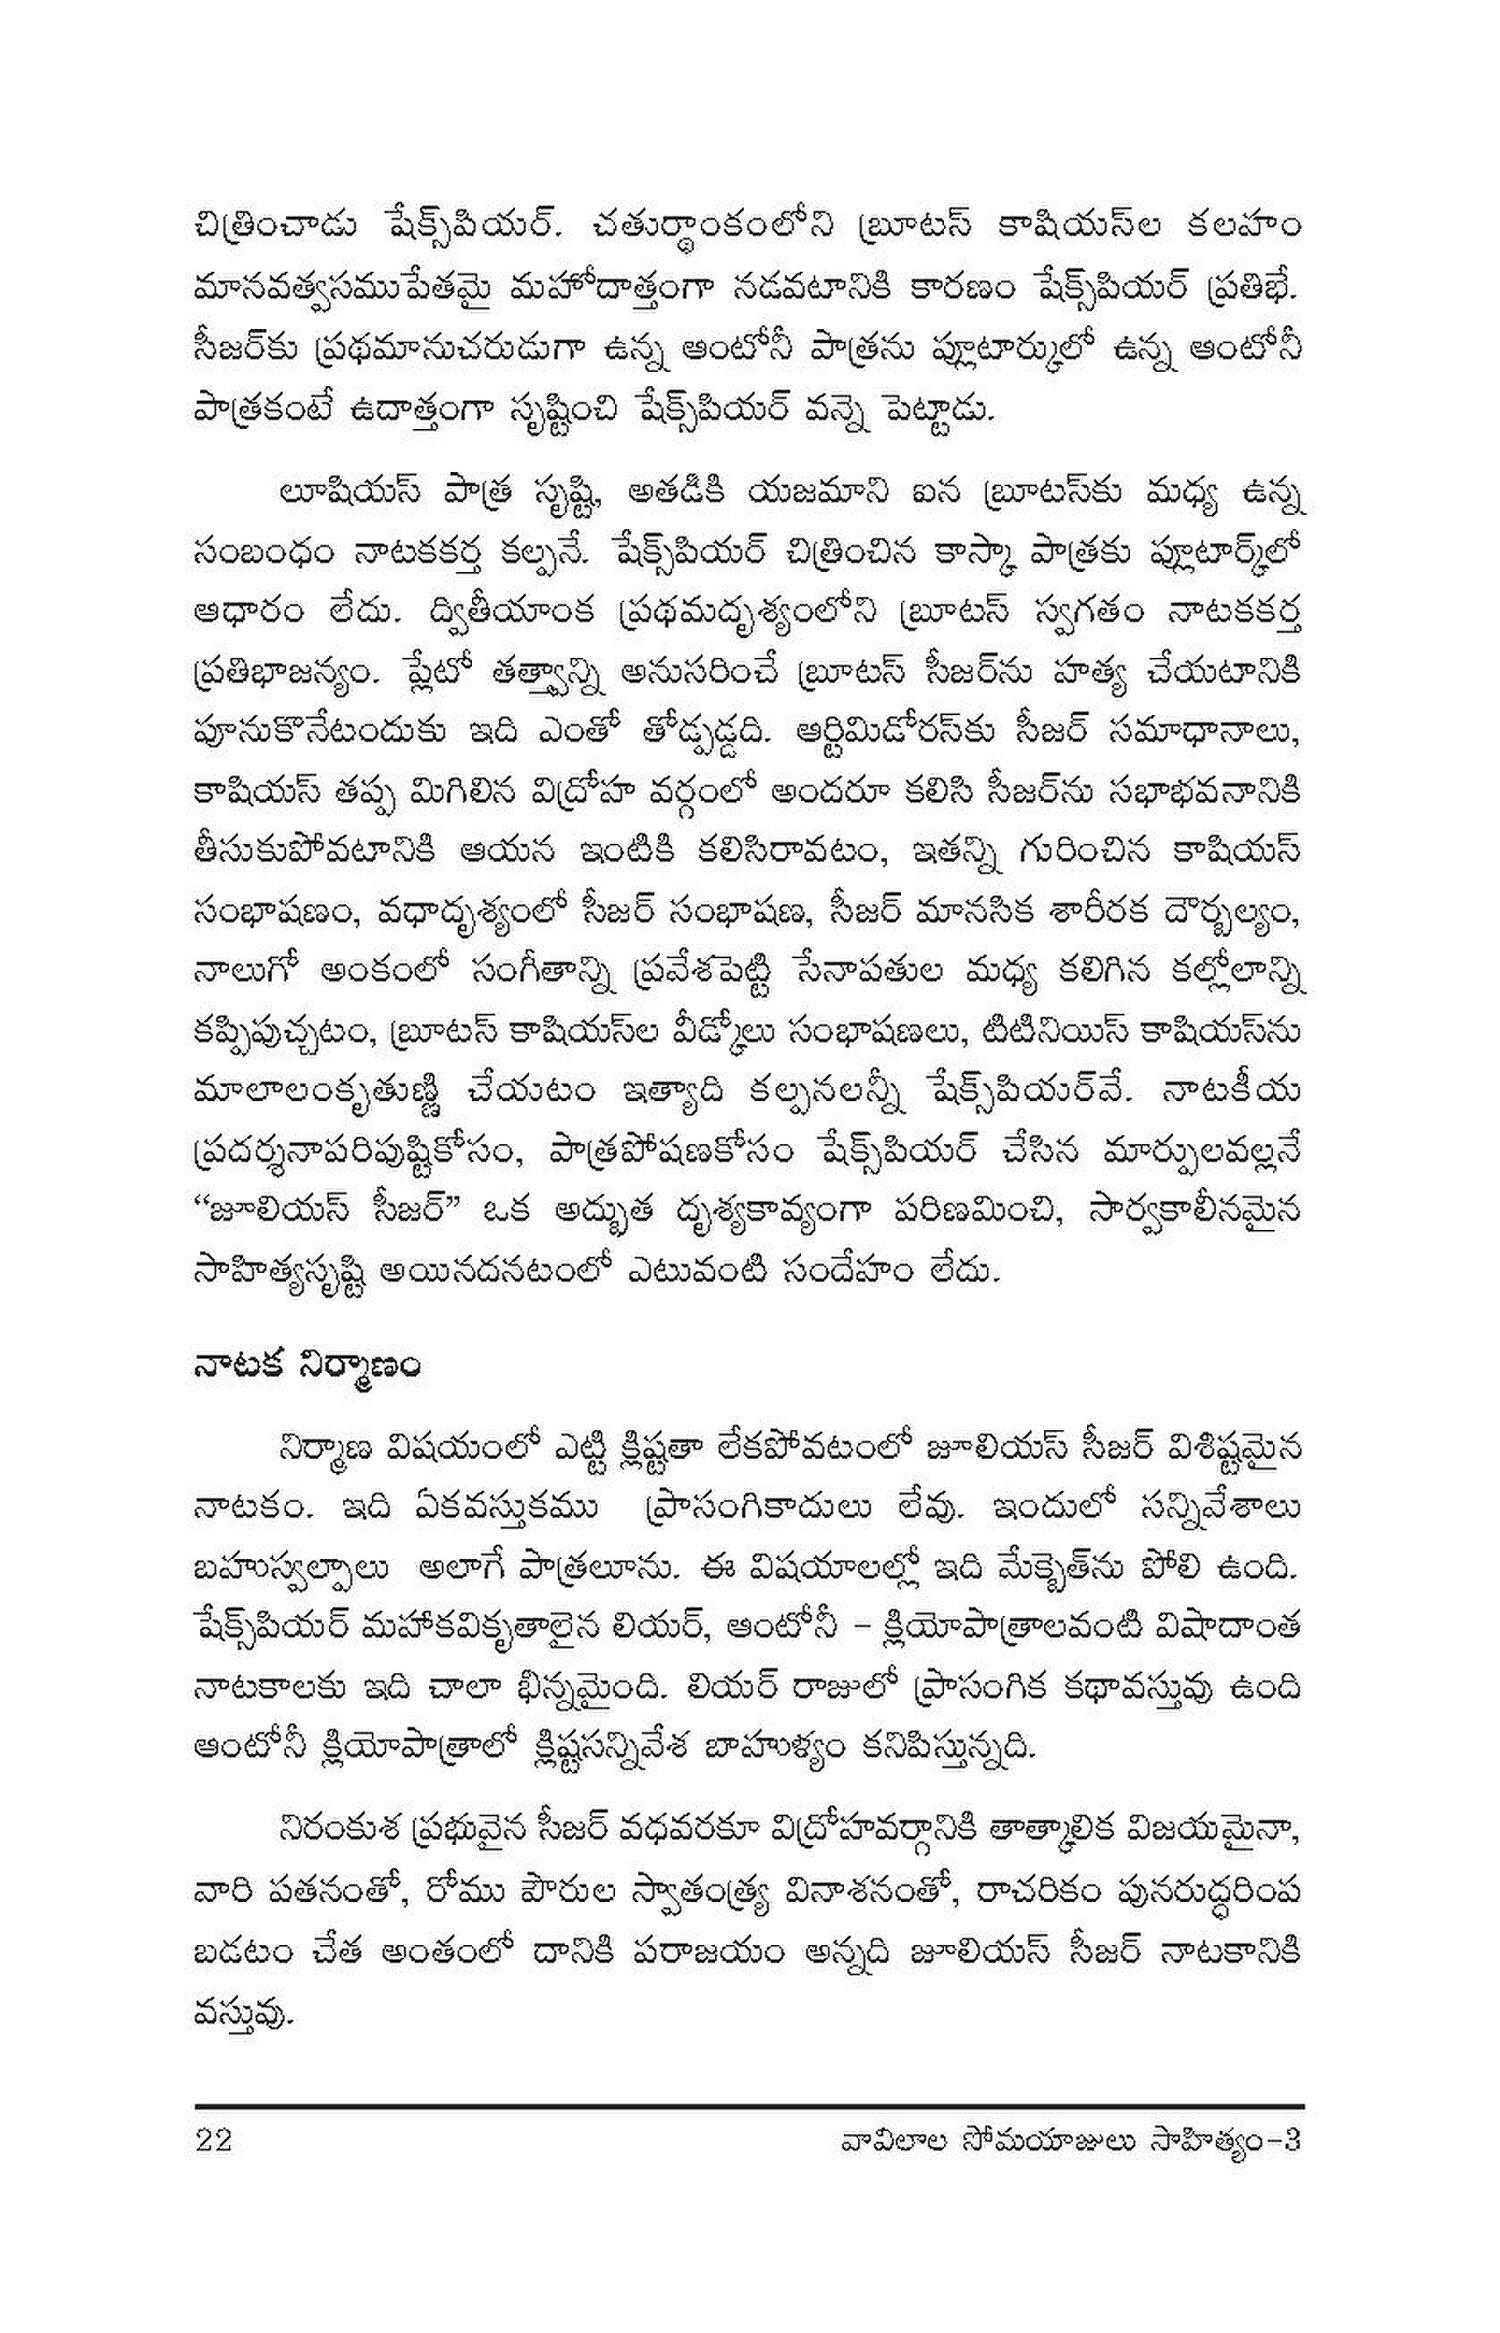చిత్రించాడు షేక్స్పియర్. చతుర్థాంకంలోని బ్రూటస్ కాషియస్ ల కలహం మానవత్వసముపేతమై మహోదాత్తంగా నడవటానికి కారణం షేక్స్పియర్ ప్రతిభే. సీజర్ కు ప్రథమానుచరుడుగా ఉన్న ఆంటోనీ పాత్రను ప్లూటార్కులో ఉన్న ఆంటోనీ పాత్రకంటే ఉదాత్తంగా సృష్టించి షేక్స్పియర్ వన్నె పెట్టాడు.

లూషియస్ పాత్ర సృష్టి, అతడికి యజమాని ఐన బ్రూటస్ కు మధ్య ఉన్న సంబంధం నాటకకర్త కల్పనే. షేక్స్పియర్ చిత్రించిన కాస్కా పాత్రకు ప్లూటార్క్ లొ ఆధారం లేదు. ద్వితీయాంక ప్రథమదృశ్యంలోని బ్రూటస్ స్వగతం నాటకకర్త
ప్రతిభాజన్యం. ప్లేటో తత్త్వాన్ని అనుసరించే బ్రూటస్ సీజర్ ను హత్య చేయటానికి పూనుకొనేటందుకు ఇది ఎంతో తోడ్పడ్డది. ఆర్టిమిడోరస్ కు సీజర్ సమాధానాలు, కాషియస్ తప్ప మిగిలిన విద్రోహ వర్గంలో అందరూ కలిసి సీజర్ ను సభాభవనానికి తీసుకుపోవటానికి ఆయన ఇంటికి కలిసిరావటం, ఇతన్ని గురించిన కాషియస్ సంభాషణం, వధాదృశ్యంలో సీజర్ సంభాషణ, సీజర్ మానసిక శారీరక దౌర్బల్యం, నాలుగో అంకంలో సంగీతాన్ని ప్రవేశపెట్టి సేనాపతుల మధ్య కలిగిన కల్లోలాన్ని కప్పిపుచ్చటం, బ్రూటస్ కాషియస్ ల వీడ్కోలు సంభాషణలు, టిటినియిస్ కాషియస్ ను మాలాలంకృతుణ్ణి చేయటం ఇత్యాది కల్పనలన్నీ షేక్స్పియర్ వే. నాటకీయ ప్రదర్శనా పరిపుష్టికోసం, పాత్రపోషణకోసం షేక్స్పియర్ చేసిన మార్పులవల్లనే “జూలియస్ సీజర్” ఒక అద్భుత దృశ్యకావ్యంగా పరిణమించి, సార్వకాలీనమైన సాహిత్యసృష్టి అయిన దనటంలో ఎటువంటి సందేహం లేదు.

నిర్మాణ విషయంలో ఎట్టి క్లిష్టతా లేకపోవటంలో జూలియస్ సీజర్ విశిష్టమైన నాటకం. ఇది ఏకవస్తుకము ప్రాసంగికాదులు లేవు. ఇందులో సన్నివేశాలు బహుస్వల్పాలు అలాగే పాత్రలూను. ఈ విషయాలల్లో ఇది మేక్బెత్ ను పోలి ఉంది.
షేక్స్పియర్ మహాకవి కృతాలైన లియర్, ఆంటోనీ - క్లియోపాత్రాలవంటి విషాదాంత నాటకాలకు ఇది చాలా భిన్నమైంది. లియర్ రాజులో ప్రాసంగిక కథావస్తువు ఉంది ఆంటోనీ క్లియోపాత్రాలో క్లిష్టసన్నివేశ బాహుళ్యం కనిపిస్తున్నది.

నిరంకుశ ప్రభువైన సీజర్ వధవరకూ విద్రోహవర్గానికి తాత్కాలిక విజయమైనా, వారి పతనంతో, రోము పౌరుల స్వాతంత్య్ర వినాశనంతో, రాచరికం పునరుద్ధరింప బడటం చేత అంతంలో దానికి పరాజయం అన్నది జూలియస్ సీజర్ నాటకానికి
వస్తువు.